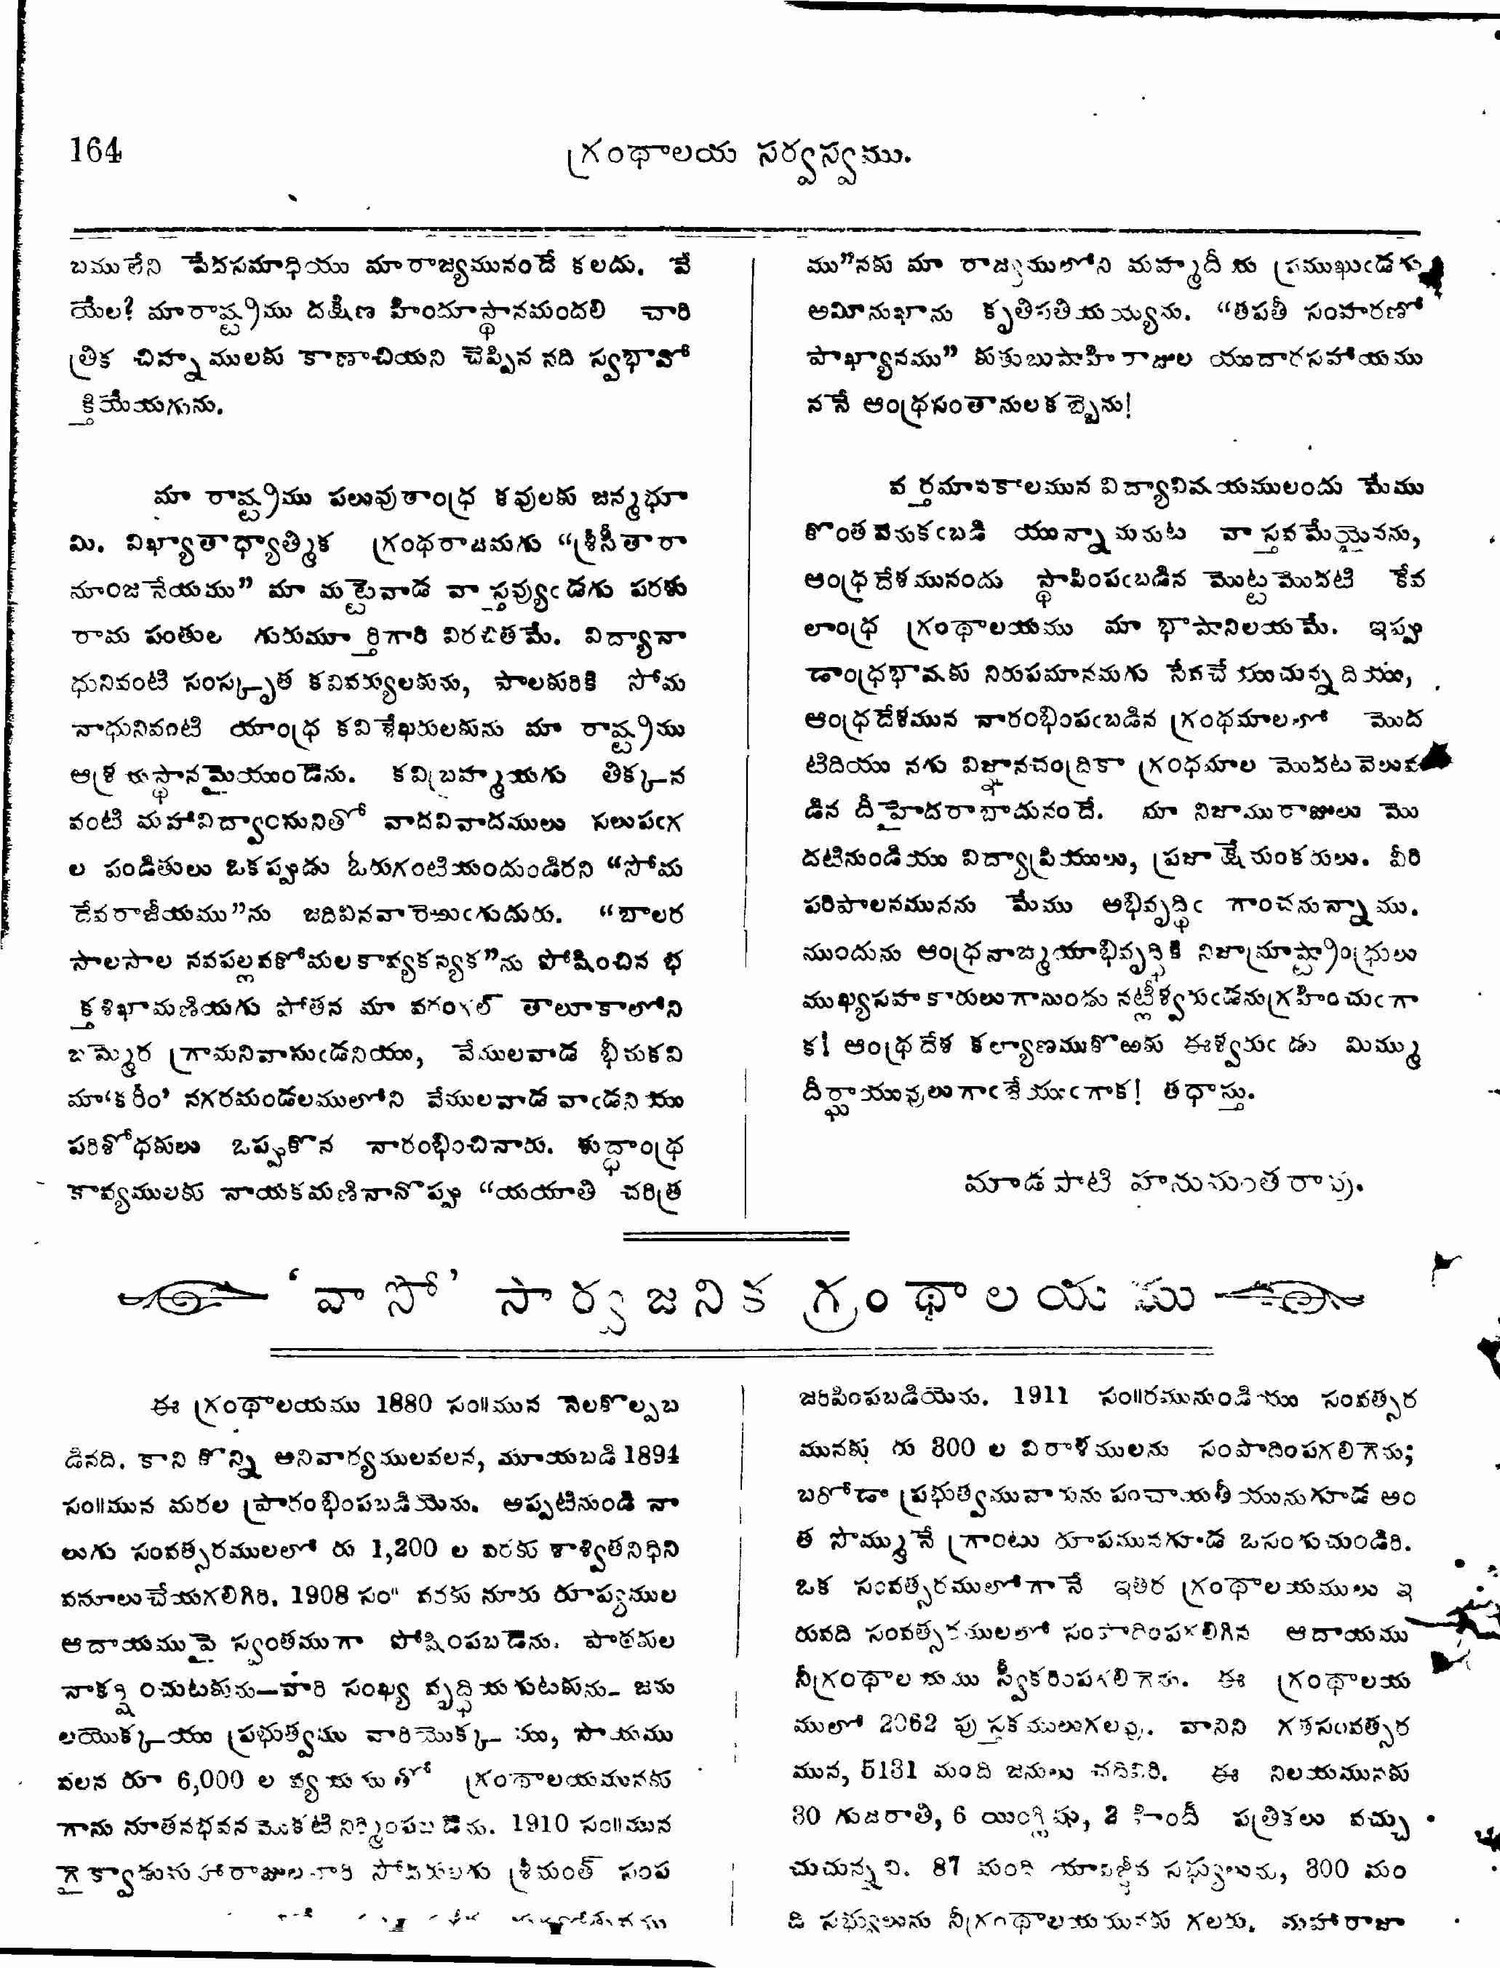బములేని పేదసమాధియు మారాజ్యమునందే కలదు. 'వే
యేల? మా రాష్ట్రము దక్షిణ హిందూస్థానమందలి చారి
త్రిక చిహ్నములకు కాణాచియని చెప్పిన నది స్వభావో
కియేయగును.
మా రాష్ట్రము పలువుతాంధ్ర కవులకు జన్మభూ
మి. విఖ్యాతాధ్యాత్మిక గ్రంథరాజమగు “శ్రీసీతారా
నూ౦జ నేయము” మా మట్టెవాడ వాస్తవ్యుఁడగు పరశు
రామ పంతుల గురుమూర్తి గారి విరచితమే. విద్యానా
ధునివంటి సంస్కృత కవివర్యులకును, పాలకురికి సోమ
నాధునివంటి యాంధ్ర కవిశేఖరులకును మా రాష్ట్రము
ఆర్ద్ర రుస్థానమైయుండెను. కవిబ్రహ్మయగు తిక్కన
వంటి మహావిద్వాంసునితో వాదవివాదములు సలుపఁగ
ల పండితులు ఒకప్పుడు ఓరుగంటియందుండిరని "సోమ
దేవరాజీయము"ను జదివినవారెఱుఁగుదురు. "బాలర
సాలసాల నవపల్లవకోమల కావ్యకన్యకను పోషించిన భ
క్తశిఖామణియగు పోతన మా వరంగల్ తాలూకాలోని
బమ్మెర గ్రామనివాసుఁడనియు, వేములవాడ భీమకవి
మా'కరీం' నగరమండలములోని వేములవాడ వాఁడని యు
పరిశోధకులు ఒప్పుకొన నారంభించినారు. శుద్ధాంధ్ర
కావ్యములకు నాయకమణినా నొప్పు “యయాతి చరిత్ర
ము”నకు మా రాజములోని మహ్మదీయు ప్రముఖుఁడగు
అమీనుఖాను కృతిపతియయ్యను. “తపతీ సంహరణో
పాఖ్యానము” కుతుబుషాహి రాజుల యుధారసహాయము
న నే ఆంధ్రసంతానులక బ్బెను!
వర్తమానకాలమున విద్యావిషయములందు మేము
కొంత వేరుకఁబడి యున్నా మకుట వాస్తవమేయైనను,
ఆంధ్రదేశమునందు స్థాపింపఁబడిన మొట్టమొదటి కేవ
లాంధ్ర గ్రంథాలయము మా భాషానిలయమే. ఇప్పు
డాంధ్రభాషకు నిరుపమానమగు సేవచేయుంచున్నది
ఆంధ్రదేశమున నారంభింపఁబడిన గ్రంథమాలలో మొద
టిదియు నగు విజ్ఞానచంద్రికా గ్రంధమాల మొదట వెలుకు
డిన దీ హైదరాబాదునందే. మా నిజాము రాజులు మొ
దటినుండియు విద్యాప్రియులు, ప్రజాక్షేమంకరులు. వీరి
పరిపాలనమునను మేము అభివృద్ధిఁ గాంచనున్నాము.
ముందును ఆంధ్రవాఙ్మయాభివృద్ధికి నిజామ్రాపాంధ్రులు
ముఖ్య సహ కారులు గానుండు నట్లీశ్వరుఁడనుగ్రహించుఁ గా
క! ఆంధ్రదేశ కళ్యాణము కొఱకు ఈశ్వరుఁడు మిమ్ము
దీర్ఘాయువులు గాఁజేయఁగాక! తధాస్తు.

ఈ గ్రంథాలయము 1880 సం॥మున నెలకొల్పబడినది, కాని కొన్ని అనివార్యములవలన, మూయబడి 1894సం॥మున మరల ప్రారంభింపబడియెను. అప్పటినుండి నాలుగు సంవత్సరములలో రూ 1,200ల వరకు శాశ్విత నిధిని
వనూలు చేయగలిగిరి. 1908 సం" వరకు నూరు రూప్యముల
ఆదాయముపై స్వంతముగా పోషింపబడెను. పాఠకుల
నాకర్షించుటకును — వారి సంఖ్య వృద్ధిరుగుటకును జనుల యొక్కయు ప్రభుత్వము వారి యొక్కము, సాయము
వలన రూ 6,000 ల వ్యయముతో గ్రంథాలయమునకు
గాను నూతనభవన మొకటి నిర్మింపబడెను. 1910 సం॥మున
గైక్వాడుమహారాజుల వారి సోదరులగు శ్రీమంత్ సంపత్రావు గాయిక్వాడు గారిచే గృహప్రవేశము మహోత్సవము జరిపింపబడియెను. 1911 సం॥రము నుండియు సంవత్సరమునకు గు 300 ల విరాళములను సంపాదింపగలిగెను; బరోడా ప్రభుత్వమునారును పంచాయతీయును గూడ అంత సొమ్మునే గ్రాంటు రూపమునగూడ ఒసంగుచుండిరి. ఒక సంవత్సరములో గానే ఇతర గ్రంథాలయములు ఇరువది సంవత్సవములలో సంపాదింపగలిగిన ఆదాయము నీ గ్రంథాలయము స్వీకరింపగలిగెను. ఈ గ్రంథాలయములో 2062 పుస్తకములు గలవు. వానిని గతసంవత్సరమున, 5131 మంది జనులు చదివిరి. ఈ నిలయమునకు 30 గుజరాతి, 6 యింగ్లీషు, 2 హిందీ పత్రికలు వచ్చుచున్నవి. 87 మంది యావజ్జీవ సభ్యులును, 300 మంది సభ్యులును నీగ్రంథాలయమునకు గలరు. మహారాజా